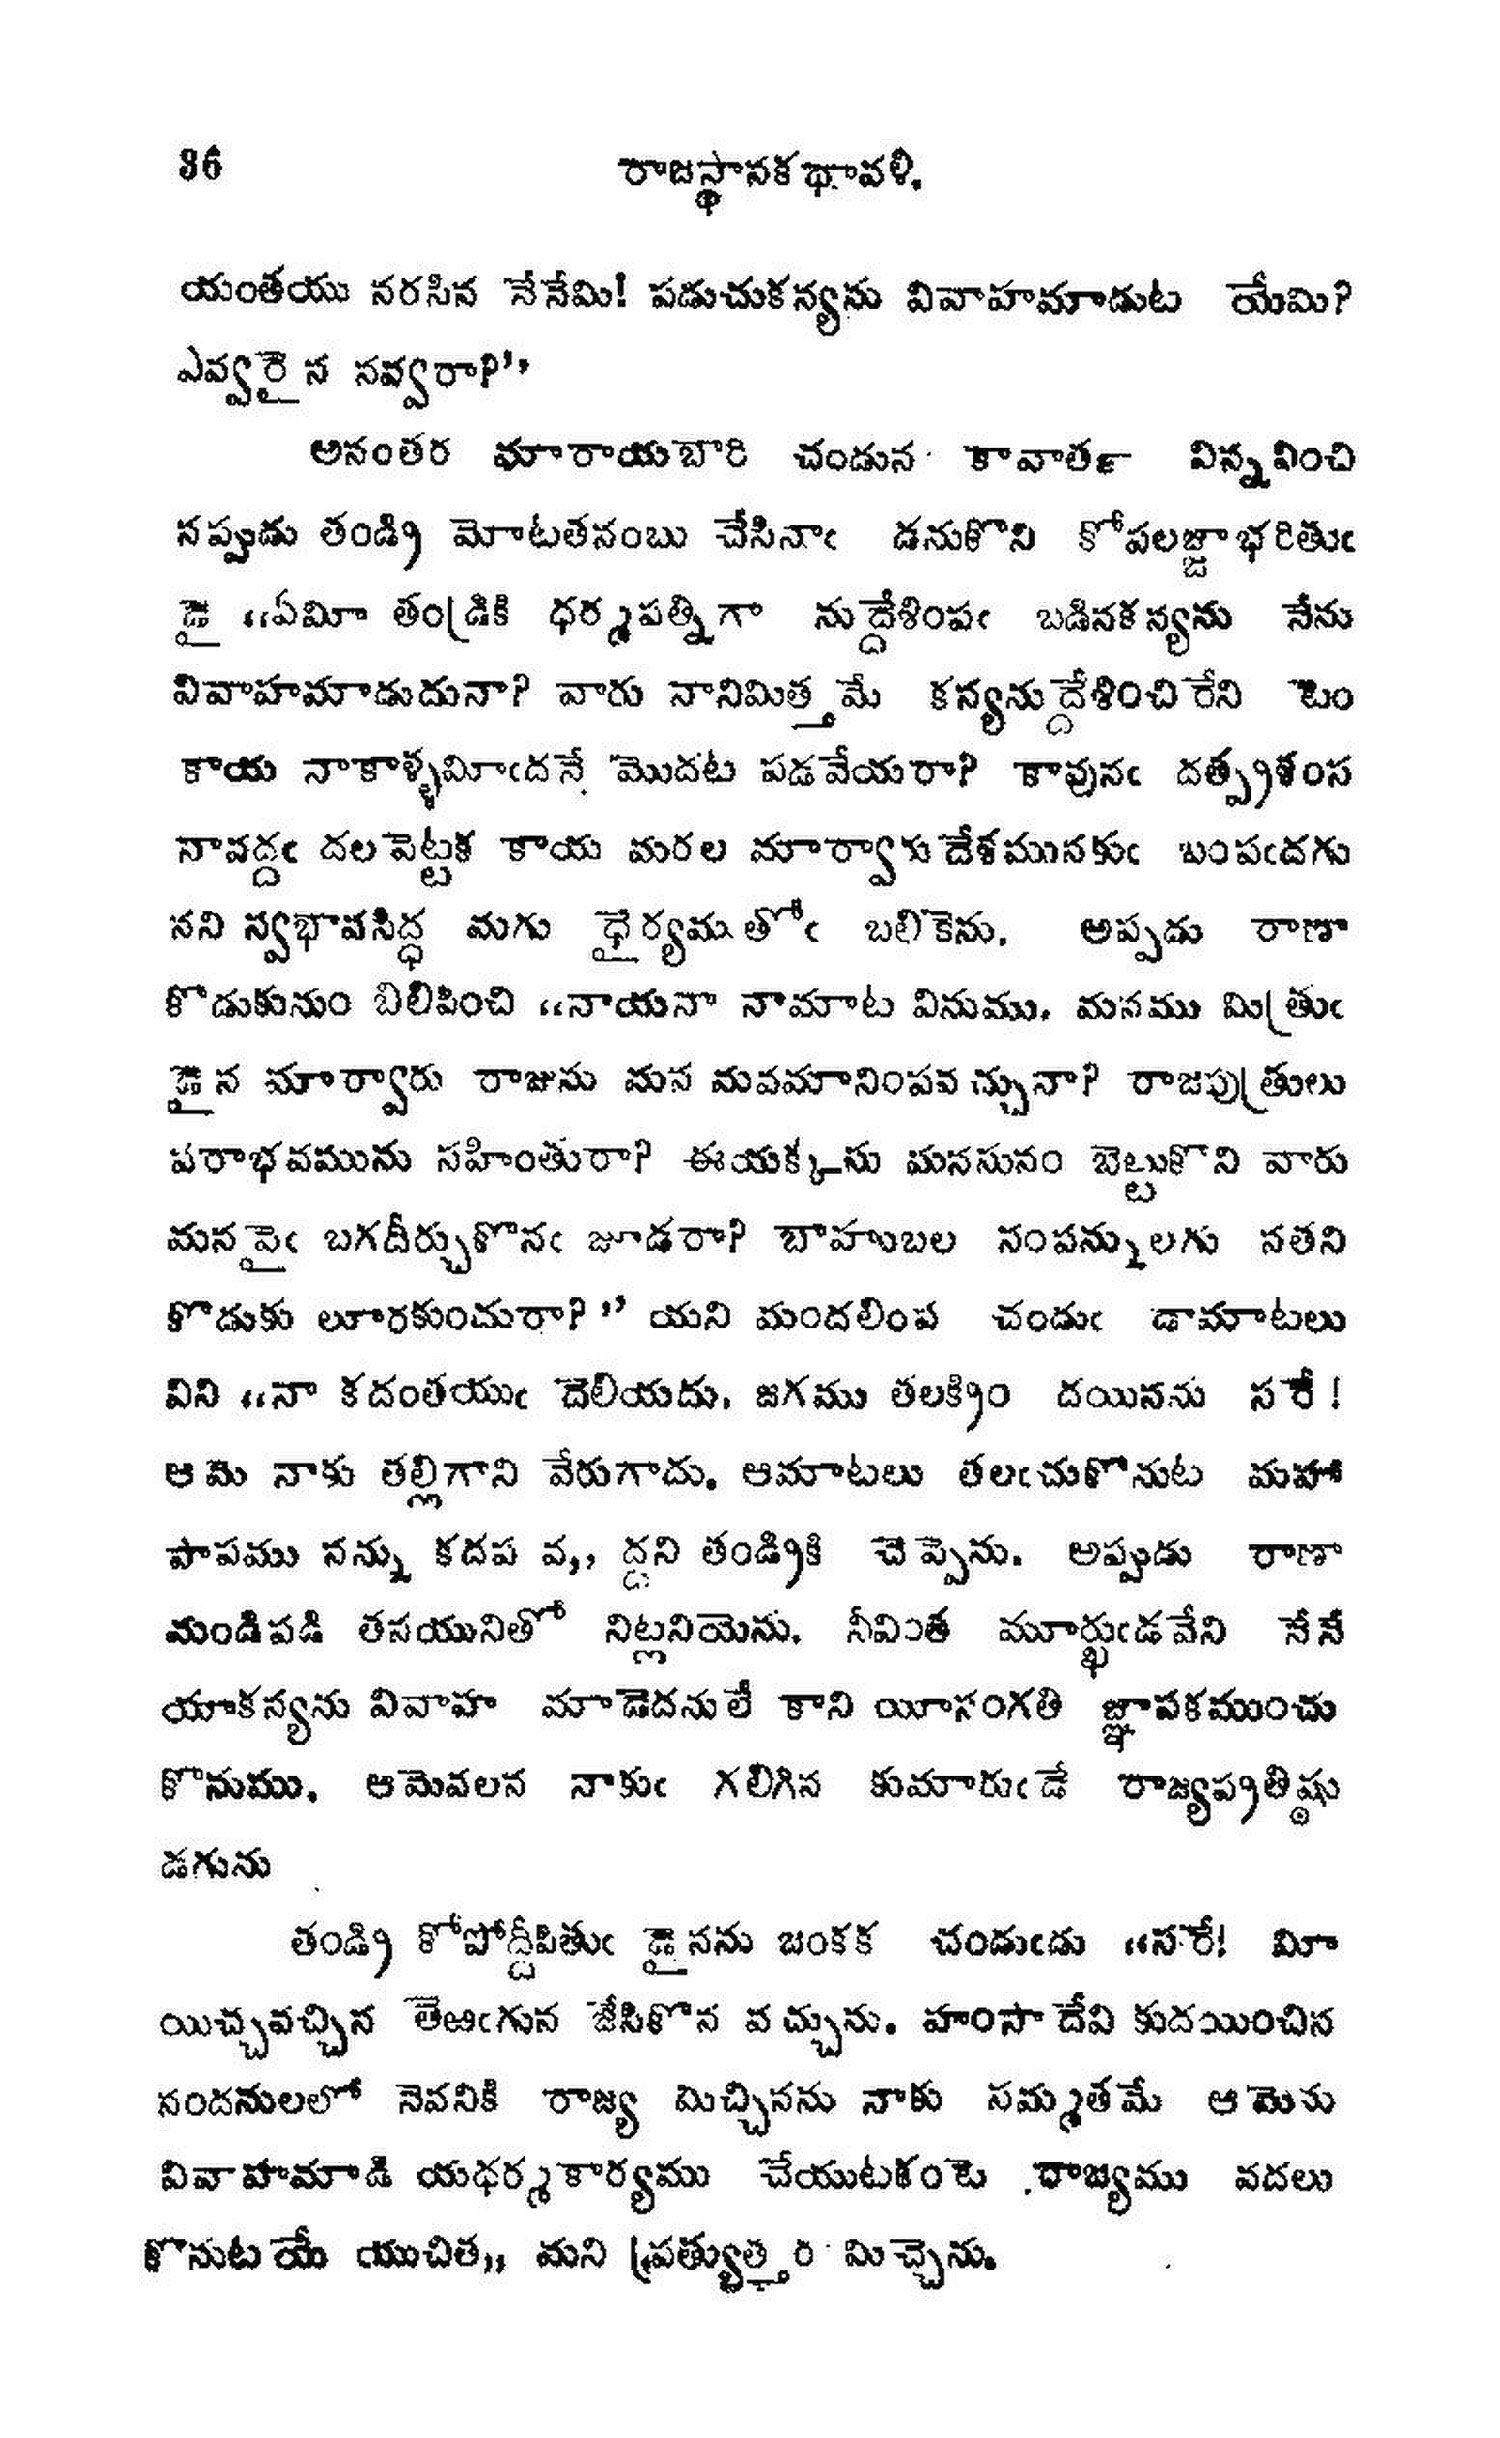యంతయు నరసిన 'నేనేమి! పడుచుకన్యను వివాహమాడుట యేమి? ఎవ్వరైన నవ్వరా?"

అనంతర మారాయబారి చండున కావాత౯ విన్నవించి నప్పుడు తండ్రి మోటతనంబు చేసినాఁ డనుకొని కోపలజ్జా భరితుఁడై "ఏమీ తండ్రికి ధర్మపత్నిగా నుద్దేశింపఁ బడినకన్యను నేను వివాహమాడుదునా? వారు నానిమిత్తమే కన్యనుద్దేశించిరేని టెంకాయ నాకాళ్ళమీఁదనే 'మొదట పడవేయరా? కావునఁ దత్ప్రశంస
నావద్దఁ దల పెట్టక కాయ మరల మార్వారు దేశమునకుఁ బంపఁదగునని స్వభావసిద్ధ మగు ధైర్యము తోఁ బలికెను.అప్పడు రాణా కొడుకునుం బిలిపించి "నాయనా నామాట వినుము. మనము మిత్రుఁడైన మార్వారు రాజును మన మవమానింపవచ్చునా? రాజపుత్రులు పరాభవమును సహింతురా? ఈయక్కసు మనసునం బెట్టుకొని వారు మన పైఁ బగదీర్చుకొనఁ జూడరా? బాహుబల సంపన్నులగు నతని కొడుకు లూరకుందురా?" యని మందలింపు చండుఁడామాటలు విని "నా కదంతయుఁ దెలియదు. జగము తలకిం దయినను సరే !
ఆమె నాకు తల్లిగాని వేరుగాదు. ఆమాటలు తలఁచుకొనుట మహా పాపము నన్ను కదప వద్దని తండ్రికి చెప్పెను. అప్పుడు రాణా మండి పడి తనయునితో నిట్లనియెను. నీవిత మూర్ఖుఁడవేని నేనే యాకన్యను వివాహ మాడెదనులే కాని యీసంగతి జ్ఞాపకముంచు కొనుము, ఆమెవలన నాకుఁ గలిగిన కుమారుఁడే రాజ్యప్రతిష్ఠు
డగును

తండ్రి కోపోద్దీపితుఁ డై నను బంకక చండుఁడు "సరే! మీ యిచ్చవచ్చిన తెఱఁగున జేసికొన వచ్చును. హంసాదేవి కుదయించిన నందనులలో నెవనికి 'రాజ్య మిచ్చినను నాకు సమ్మతమే ఆమెను వివాహమాడి యధర్మకార్యము చేయుటకంటె .రాజ్యము వదలు కొనుట యే యుచిత" మని ప్రత్యుత్తర మిచ్చెను.